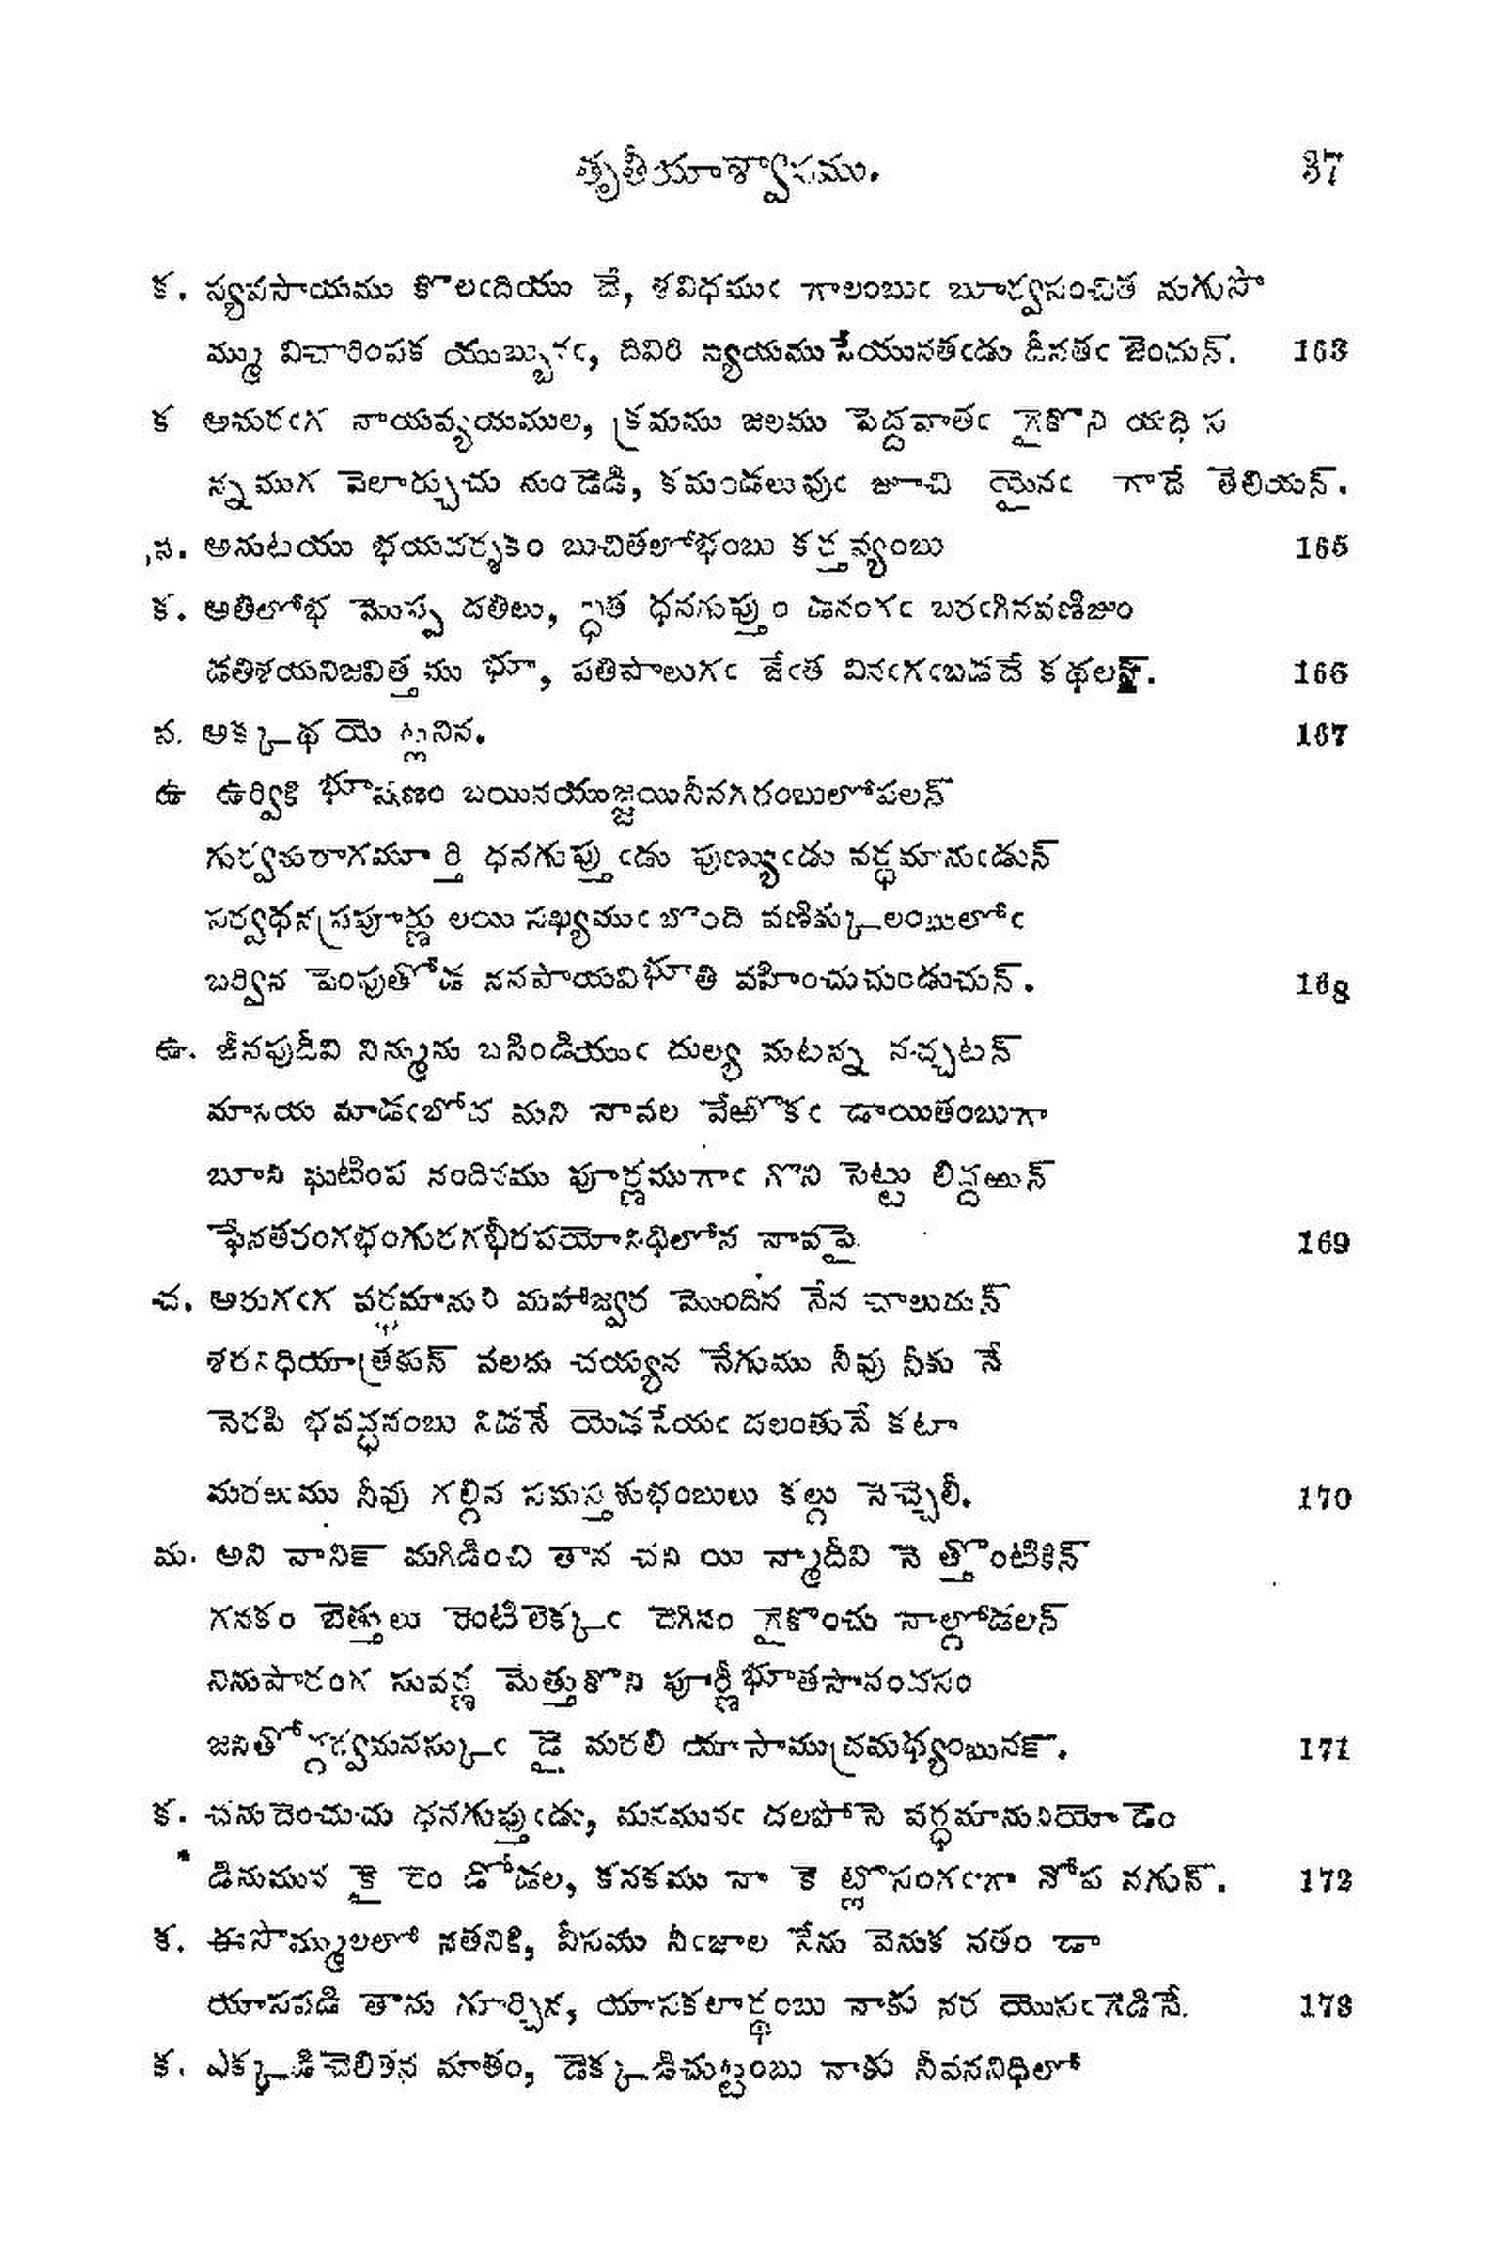క. వ్యవసాయము కొలఁదియు దే, శవిధముఁ గాలంబుఁ బూర్వసంచిత మగుసొ
 మ్ము విచారింపక యుబ్బునఁ, దివిరి వ్యయము సేయునతఁడు దీనతఁ జెందున్.
క. అమరఁగ నాయవ్యయముల, క్రమము జలము పెద్దవాతఁ గైకొని యది స
 న్నముగ వెలార్చుచు నుండెడి, కమండలువుఁ జూచి యైనఁ గాదే తెలియన్.
వ. అనుటయు భయదర్శకం బుచితలోభంబు కర్తవ్యంబు.
క. అతిలోభ మొప్ప దతిలు, బ్ధత ధనగుప్తుం డనంగఁ బరఁగినవణిజుం
 డతిశయనిజవిత్తము భూ, పతిపాలుగఁ జేఁత వినఁగఁబడదే కథలన్.
వ. అక్కథ యె ట్లనిన.
ఉ. ఉర్వికి భూషణం బయినయుజ్జయినీనగరంబులోపలన్
 గుర్వనురాగమూర్తి ధనగుప్తుఁడు పుణ్యుఁడు వర్ధమానుఁడున్
 సర్వధనప్రపూర్ణు లయి సఖ్యముఁ బొంది వణిక్కులంబులోఁ
 బర్విన పెంపుతోడ ననపాయవిభూతి వహించుచుండుచున్.
ఉ. జీనపుదీవి నిన్మును బసిండియుఁ దుల్య మటన్న నచ్చటన్
 మానియ మాడఁబోద మని నావల వేఱొకఁ డాయితంబుగా
 బూని ఘటింప నందినము పూర్ణముగాఁ గొని సెట్టు లిద్దఱున్
 ఫేనతరంగభంగురగభీరపయోధిలోన నావపై.
చ. అరుగఁగ వర్ధమానుని మహాజ్వర మొందిన నేన చాలుదున్
 శరనిధియాత్రకున్ వలదు చయ్యన నేగుము నీవు నీకు నే
 నెరపి భవద్ధనంబు నిడనే యెడసేయఁ దలంతునే కటా
 మరలుము నీవు గల్గిన సమస్తశుభంబులు కల్గు నెచ్చేలీ.
మ. అని వానిన్ మగిడించి తాన చని యి న్మాదీవి నె త్తొంటికిన్
 గనకం బెత్తులు రెంటిలెక్కఁ దెగినం గైకొంచు నాల్గోడలన్
 నినుపారంగ సువర్ణ మెత్తుకొని పూర్ణీభూతసానందసం
 జనితోద్గర్వమనస్కుఁ డై మరలి యాసాముద్రమధ్యంబునన్.
క. చనుదెంచుచు ధనగుప్తుఁడు, మనమునఁ దలపోసే వర్ధమానునియోడెం
 డినుమున కై రెం డోడల, కనకము నా కె ట్లొసంగఁగా నోపనగున్.
క. ఈసొమ్ములలో నతనికి, వీసము నీఁజాల నేను వెనుక నతం డా
 యాసపడి తాను గూర్చిన, యాసకలార్థంబు నాకు నర యొసఁగెడినే.
క. ఎక్కడిచెలితన మాతం, డెక్కడిచుట్టంబు నాకు నీవననిధిలో